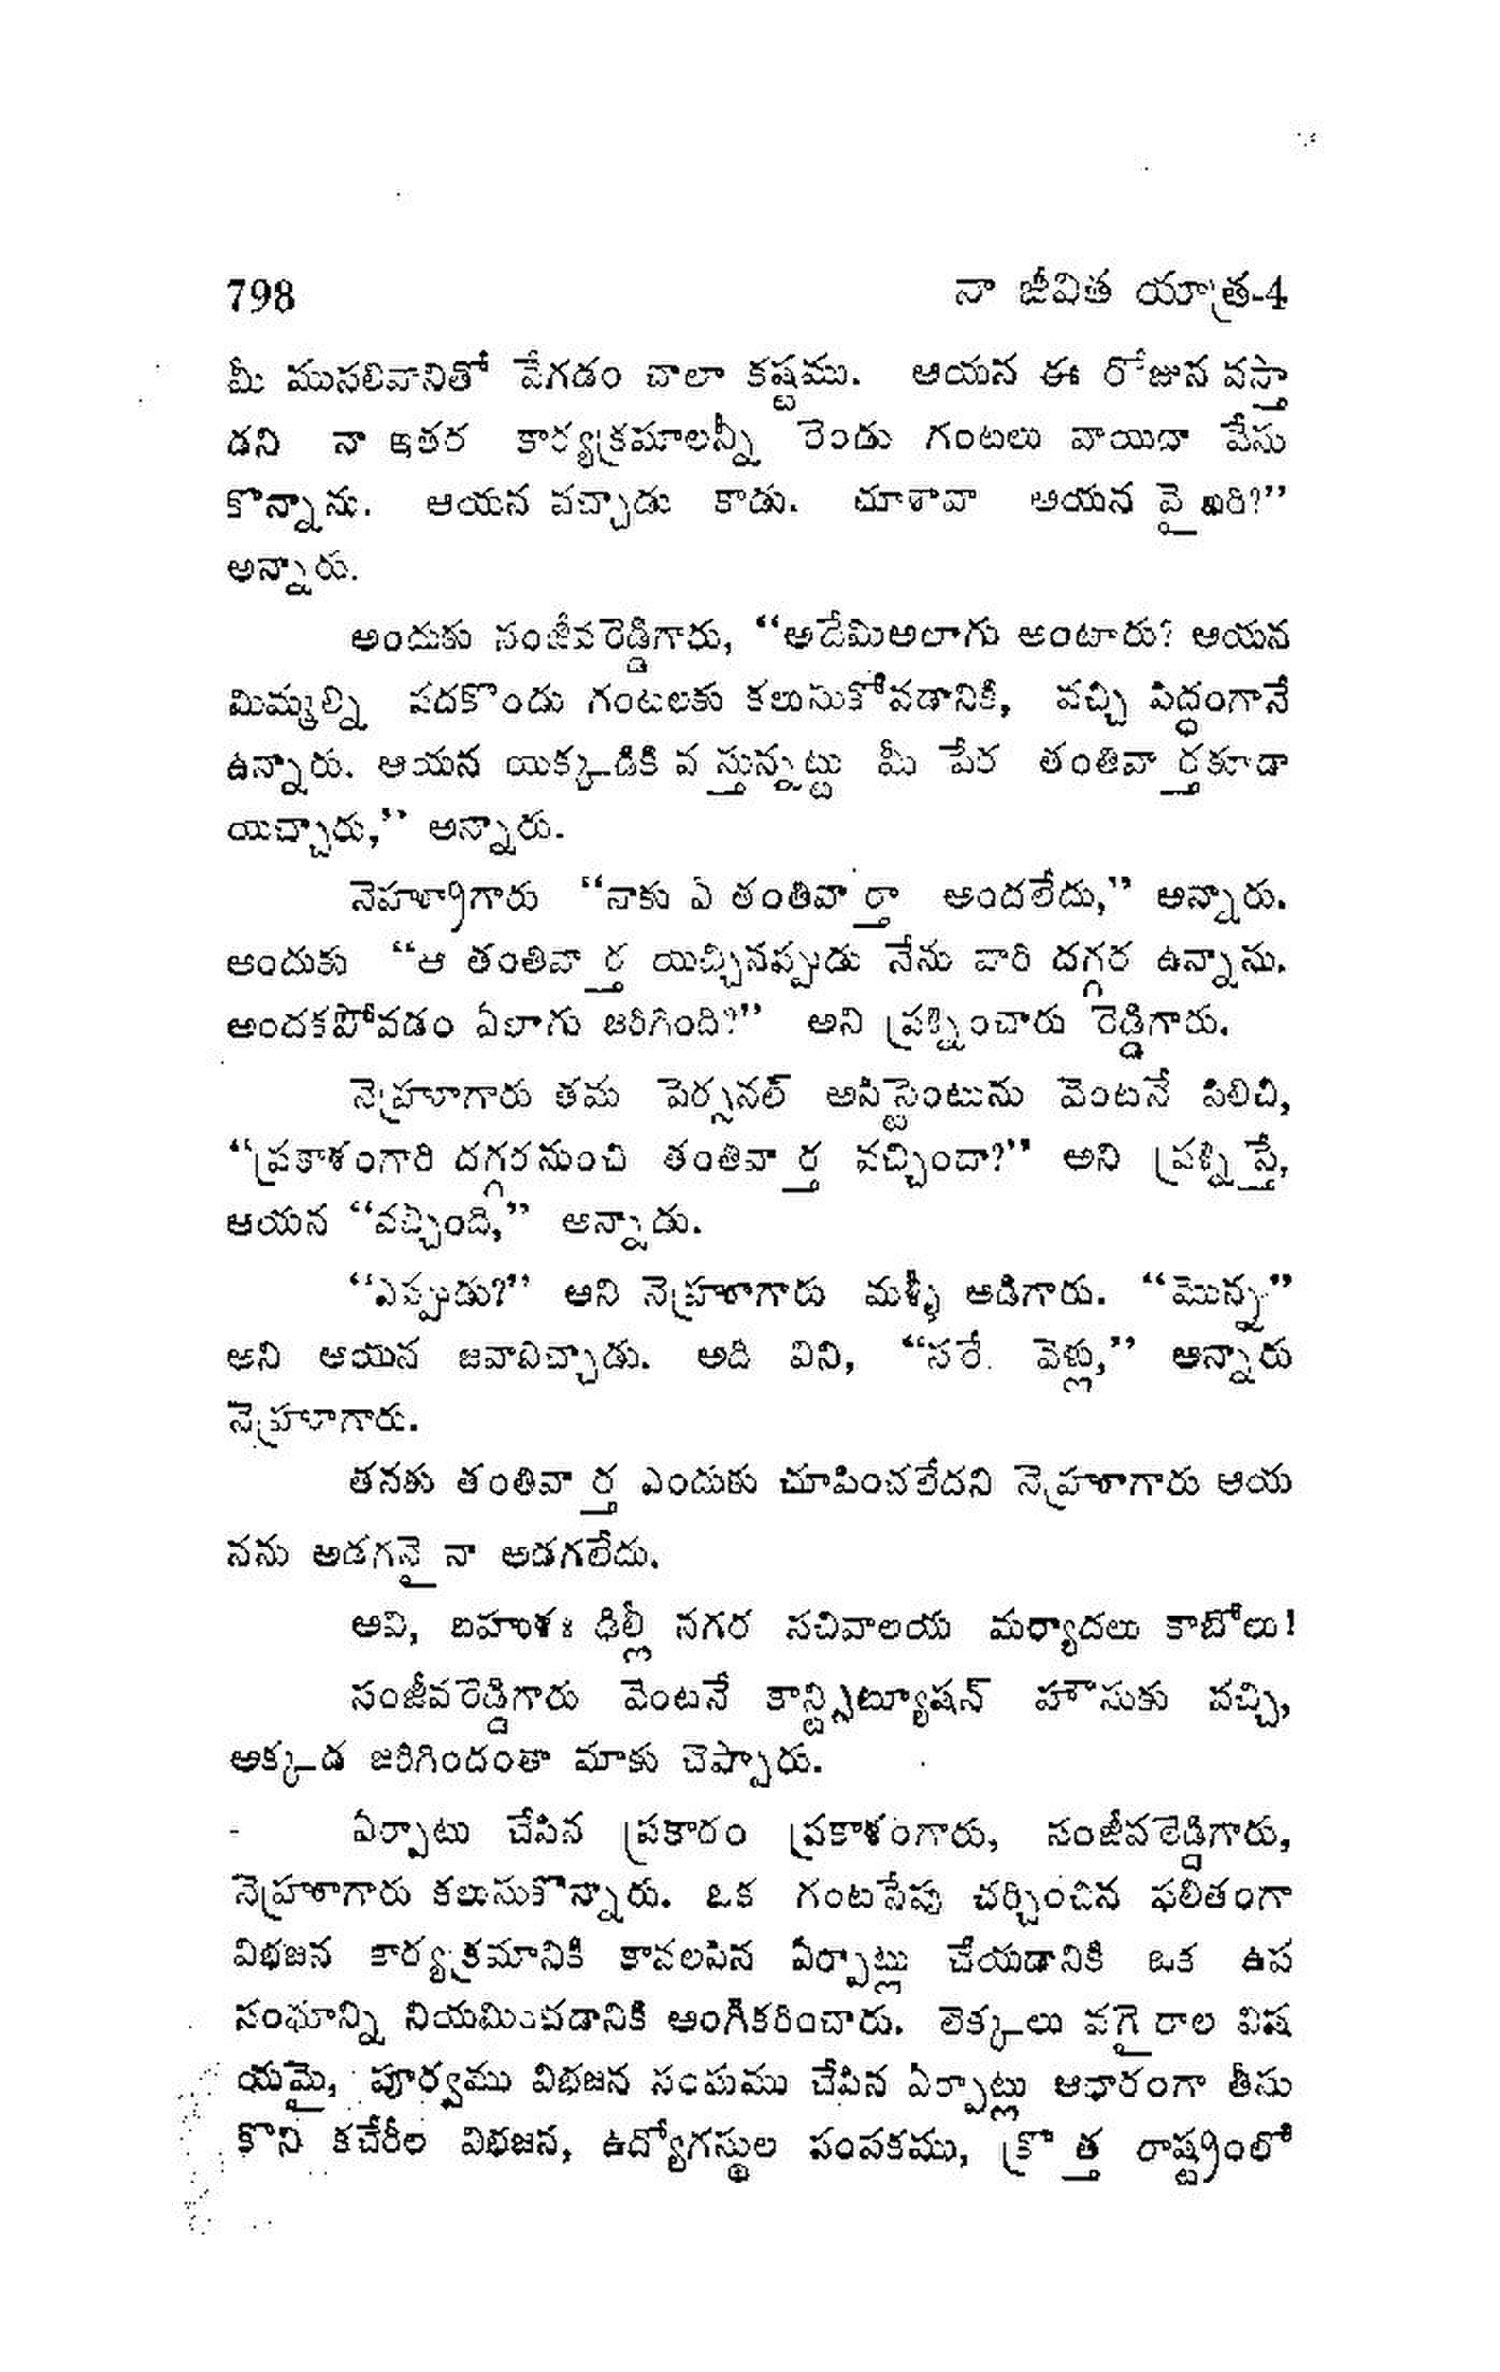మీ ముసలివానితో వేగడం చాలా కష్టము. ఆయన ఈ రోజున వస్తాడని నా ఇతర కార్యక్రమాలన్నీ రెండు గంటలు వాయిదా వేసుకొన్నాను. ఆయన వచ్చాడు కాడు. చూశావా ఆయన వైఖరి?" అన్నారు.

అందుకు సంజీవరెడ్డిగారు, "అదేమిఅలాగు అంటారు? ఆయన మిమ్మల్ని పదకొండు గంటలకు కలుసుకోవడానికి, వచ్చి సిద్ధంగానే ఉన్నారు. ఆయన యిక్కడికి వస్తున్నట్టు మీ పేర తంతివార్తకూడా యిచ్చారు," అన్నారు.

నెహ్రూగారు "నాకు ఏ తంతివార్తా అందలేదు," అన్నారు. అందుకు "ఆ తంతివార్త యిచ్చినప్పుడు నేను వారి దగ్గర ఉన్నాను. అందకపోవడం ఏలాగు జరిగింది?" అని ప్రశ్నించారు రెడ్డిగారు.

నెహ్రూగారు తమ పెర్సనల్ అసిస్టెంటును వెంటనే పిలిచి, "ప్రకాశంగారి దగ్గరనుంచి తంతివార్త వచ్చిందా?" అని ప్రశ్నిస్తే, ఆయన "వచ్చింది," అన్నాడు.

"ఎప్పుడు?" అని నెహ్రూగారు మళ్ళీ అడిగారు. "మొన్న" అని ఆయన జవాబిచ్చాడు. అది విని, "సరే వెళ్లు," అన్నారు నెహ్రూగారు.

తనకు తంతివార్త ఎందుకు చూపించలేదని నెహ్రూగారు ఆయనను అడగనైనా అడగలేదు.

అవి, బహుశ: ఢిల్లీ నగర సచివాలయ మర్యాదలు కాబోలు!

సంజీవరెడ్డిగారు వెంటనే కాన్ట్సిట్యూషన్ హౌసుకు వచ్చి, అక్కడ జరిగిందంతా మాకు చెప్పారు.

ఏర్పాటు చేసిన ప్రకారం ప్రకాశంగారు, సంజీవరెడ్డిగారు, నెహ్రూగారు కలుసుకొన్నారు. ఒక గంటసేపు చర్చించిన ఫలితంగా విభజన కార్యక్రమానికి కావలసిన ఏర్పాట్లు చేయడానికి ఒక ఉప సంఘాన్ని నియమించడానికి అంగీకరించారు. లెక్కలు వగైరాల విషయమై, పూర్వము విభజన సంఘము చేసిన ఏర్పాట్లు ఆధారంగా తీసుకొని కచేరీల విభజన, ఉద్యోగస్థుల పంపకము, క్రొత్త రాష్ట్రంలో